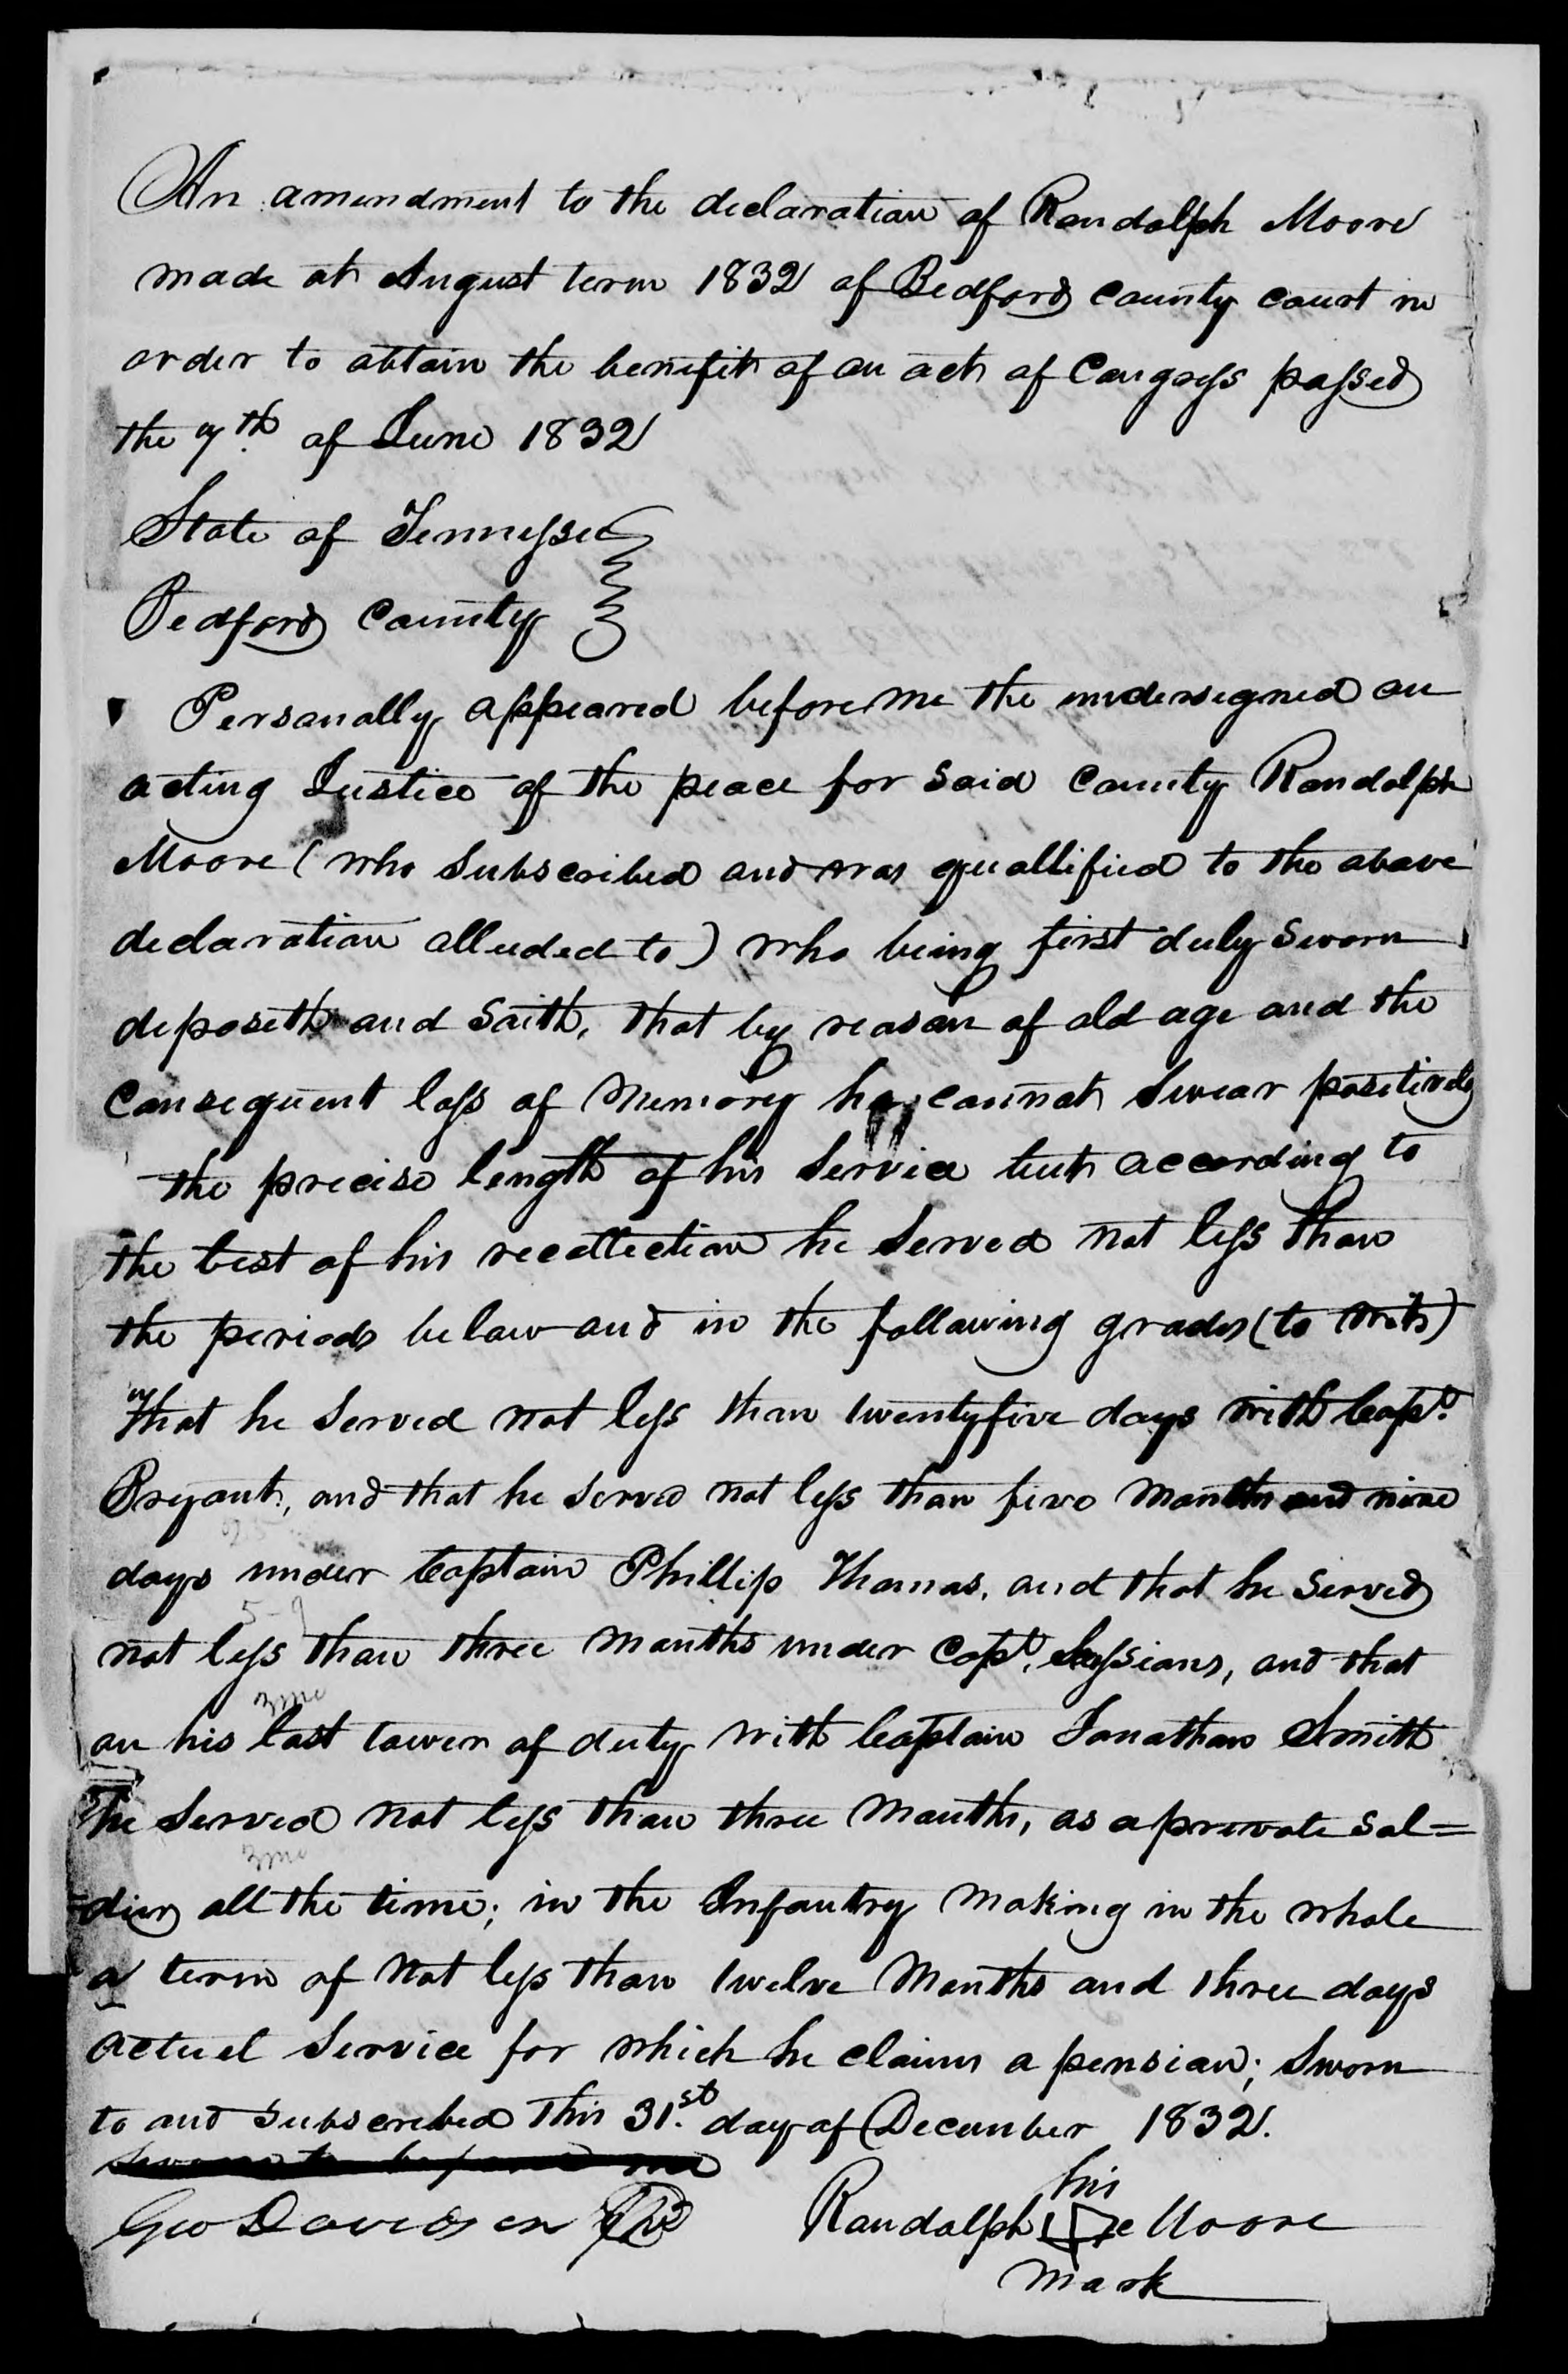An amendment to the declaration of  Randolph Moore made at August term 1832 of Bedford County court in order to obtian the benefit of an act of Congress passed the 7th of June 1832

State of Tennessee}
Bedford County}

Personally appeared before me the undersigned an acting Justice of the peace for said county Randolph Moore (who subscribed and was qualified to the above declaration alluded to) who being first duly sworn deposeth and saith that by reason of old age and the consequent loss of memory he cannot swear postively the precise length of his service but according to the best of his recollection he served not less than the period below and in the following grades (to wit) That he served not less than twenty five days with Capt. Bryant and that he served not less than five months and nine days under captain Phillip Thomas, and that he served not less than three months under capt. Sessions, and that on his last tower of duty with Captain Jonathan Smith he served not less than three months, as a private soldier all the time; in the Infantry making in the whole of term of not less than twelve months and three days actual service for which he claims a pension; Sworn to and subscribed this 31st day of December 1832.
[Signatures]
Randolph Moore X his  mark

Geo. Davidson JP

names: [BLANK] Sessions; Jonathan Smith; Phillip Thomas; Geo Davidson; [BLANK] Bryant; Randolph Moore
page: 22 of 33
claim: widow's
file: W. 52, for Randolph Moore, North Carolina